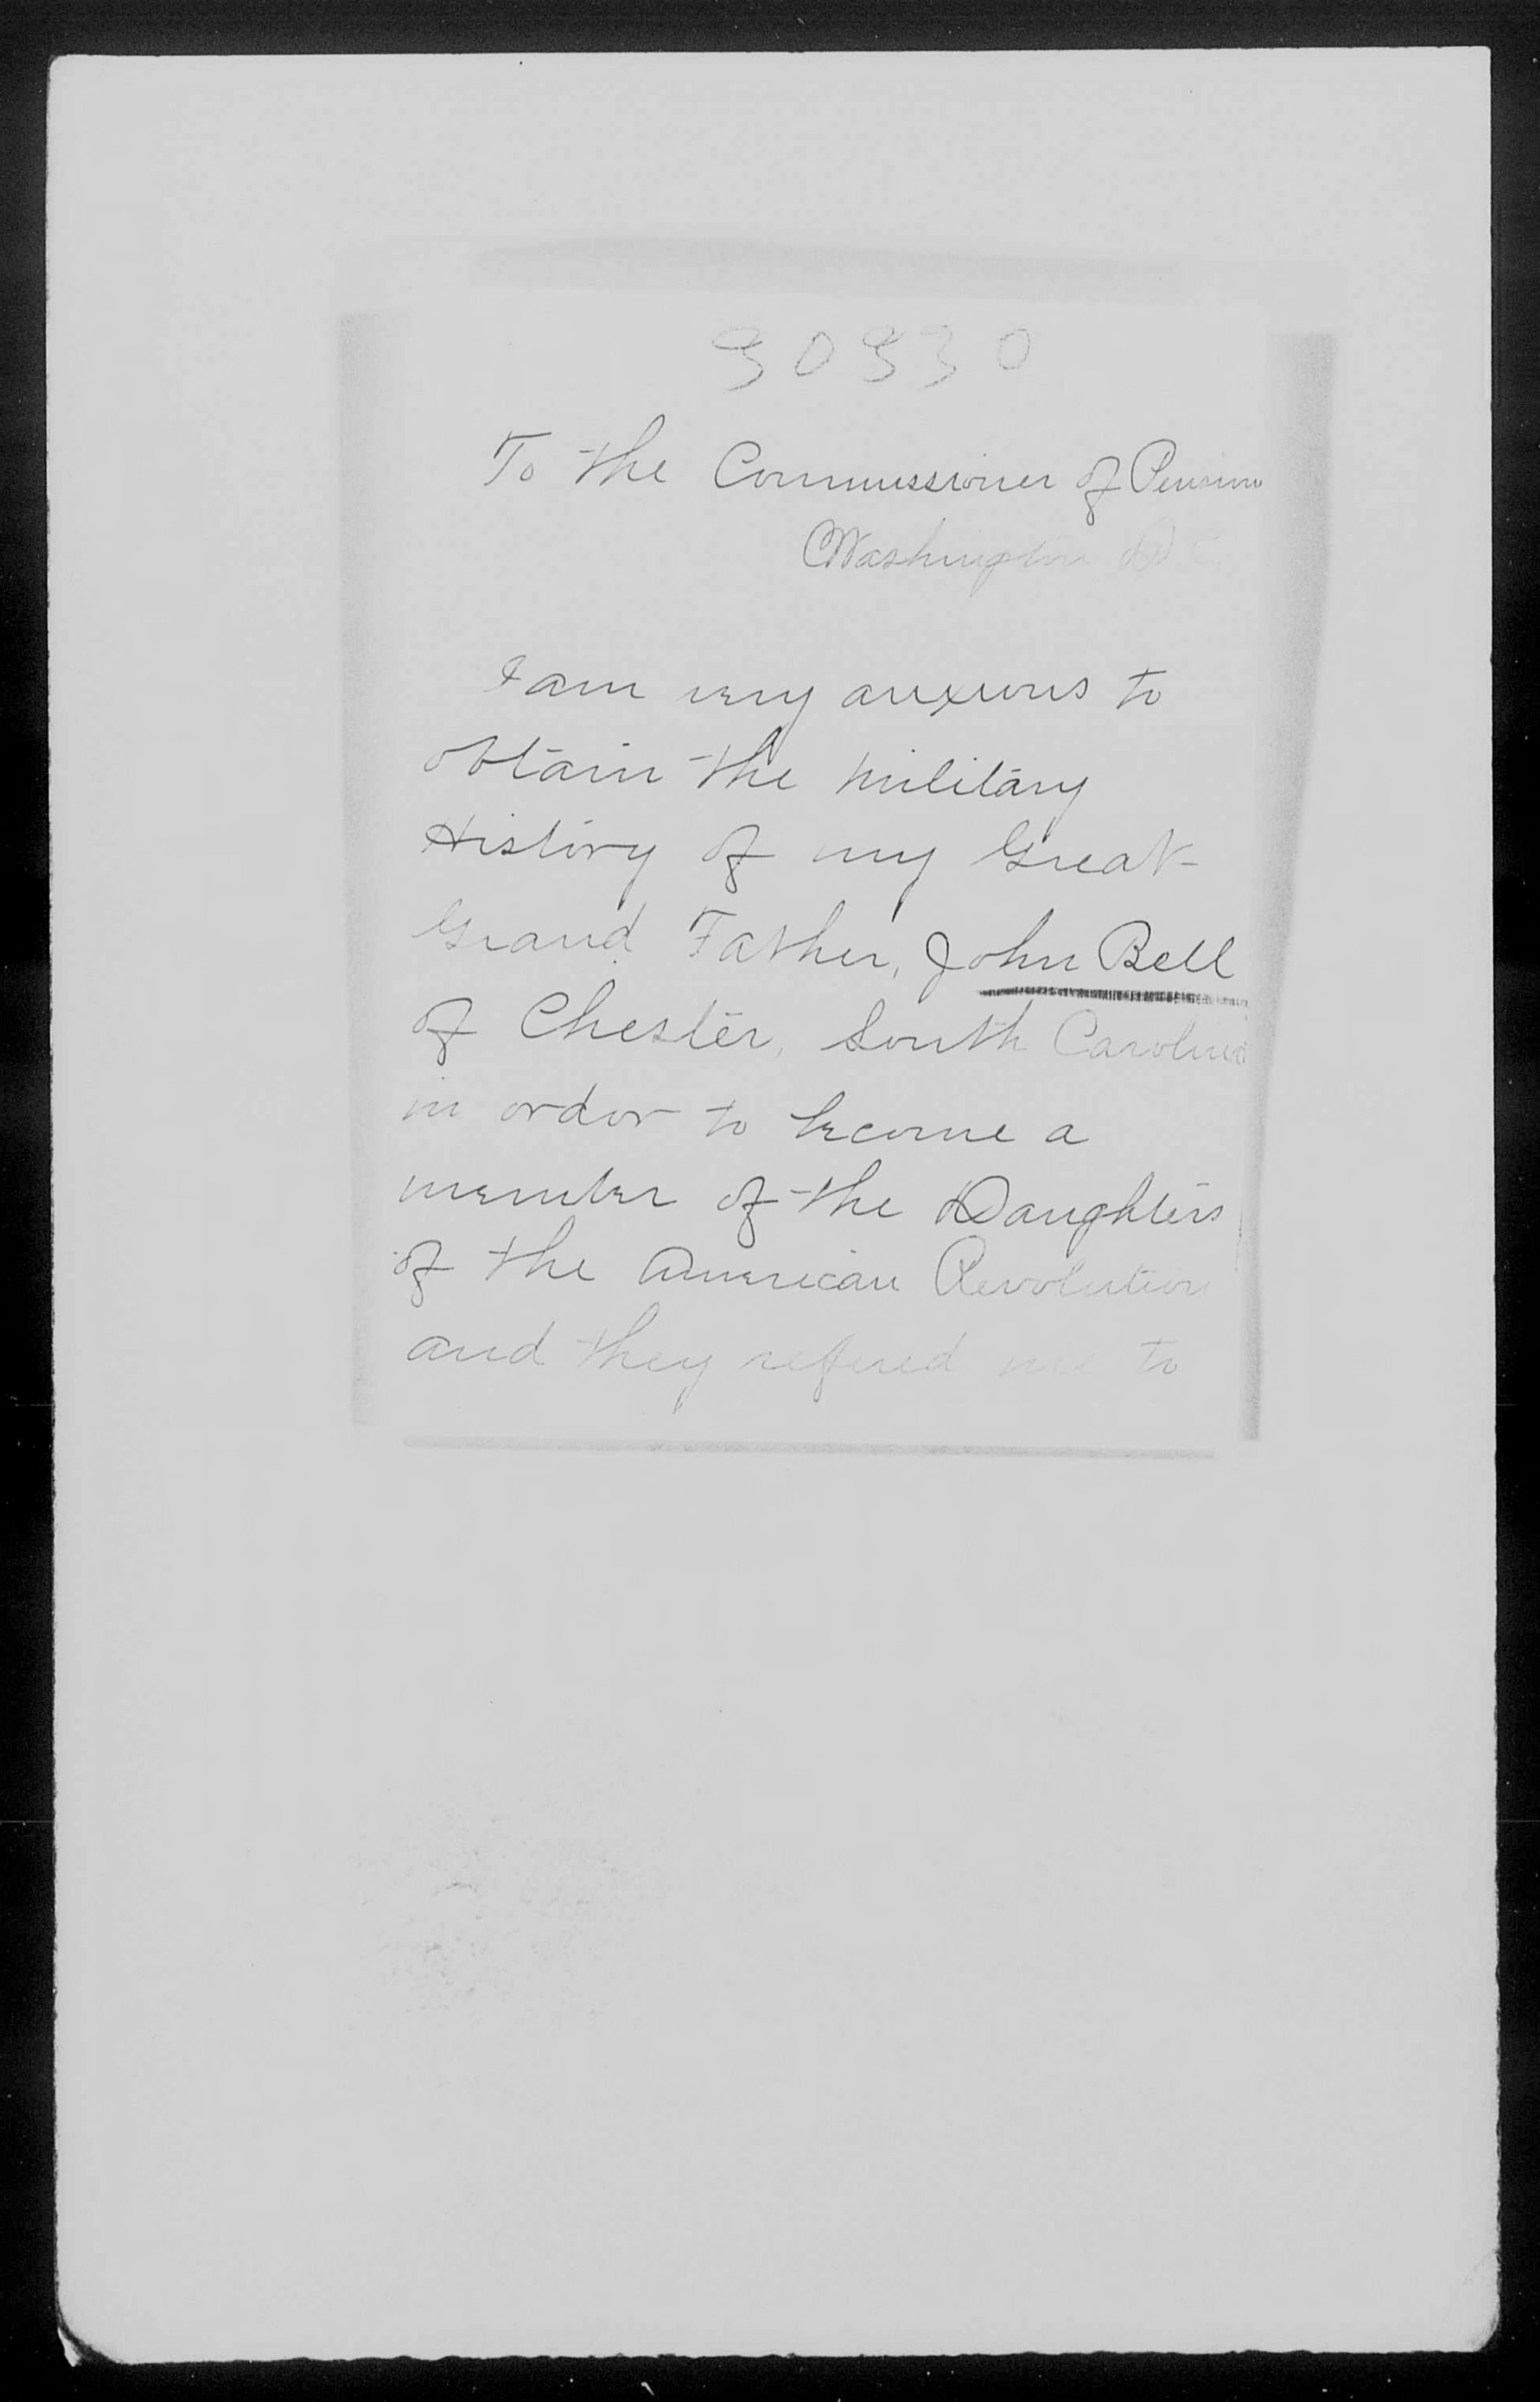30330 To the Commissioner of Pensions Washington  D.C. I am very anxious to obtain the military history of my Great Grand Father John Bell of Chester South Carolina in order to become a member of the Daughters of the American Revolution  and they requested me to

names: John Bell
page: 19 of 23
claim: survivor's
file: S. 21068, John Bell, Ga. N. C. S. C.